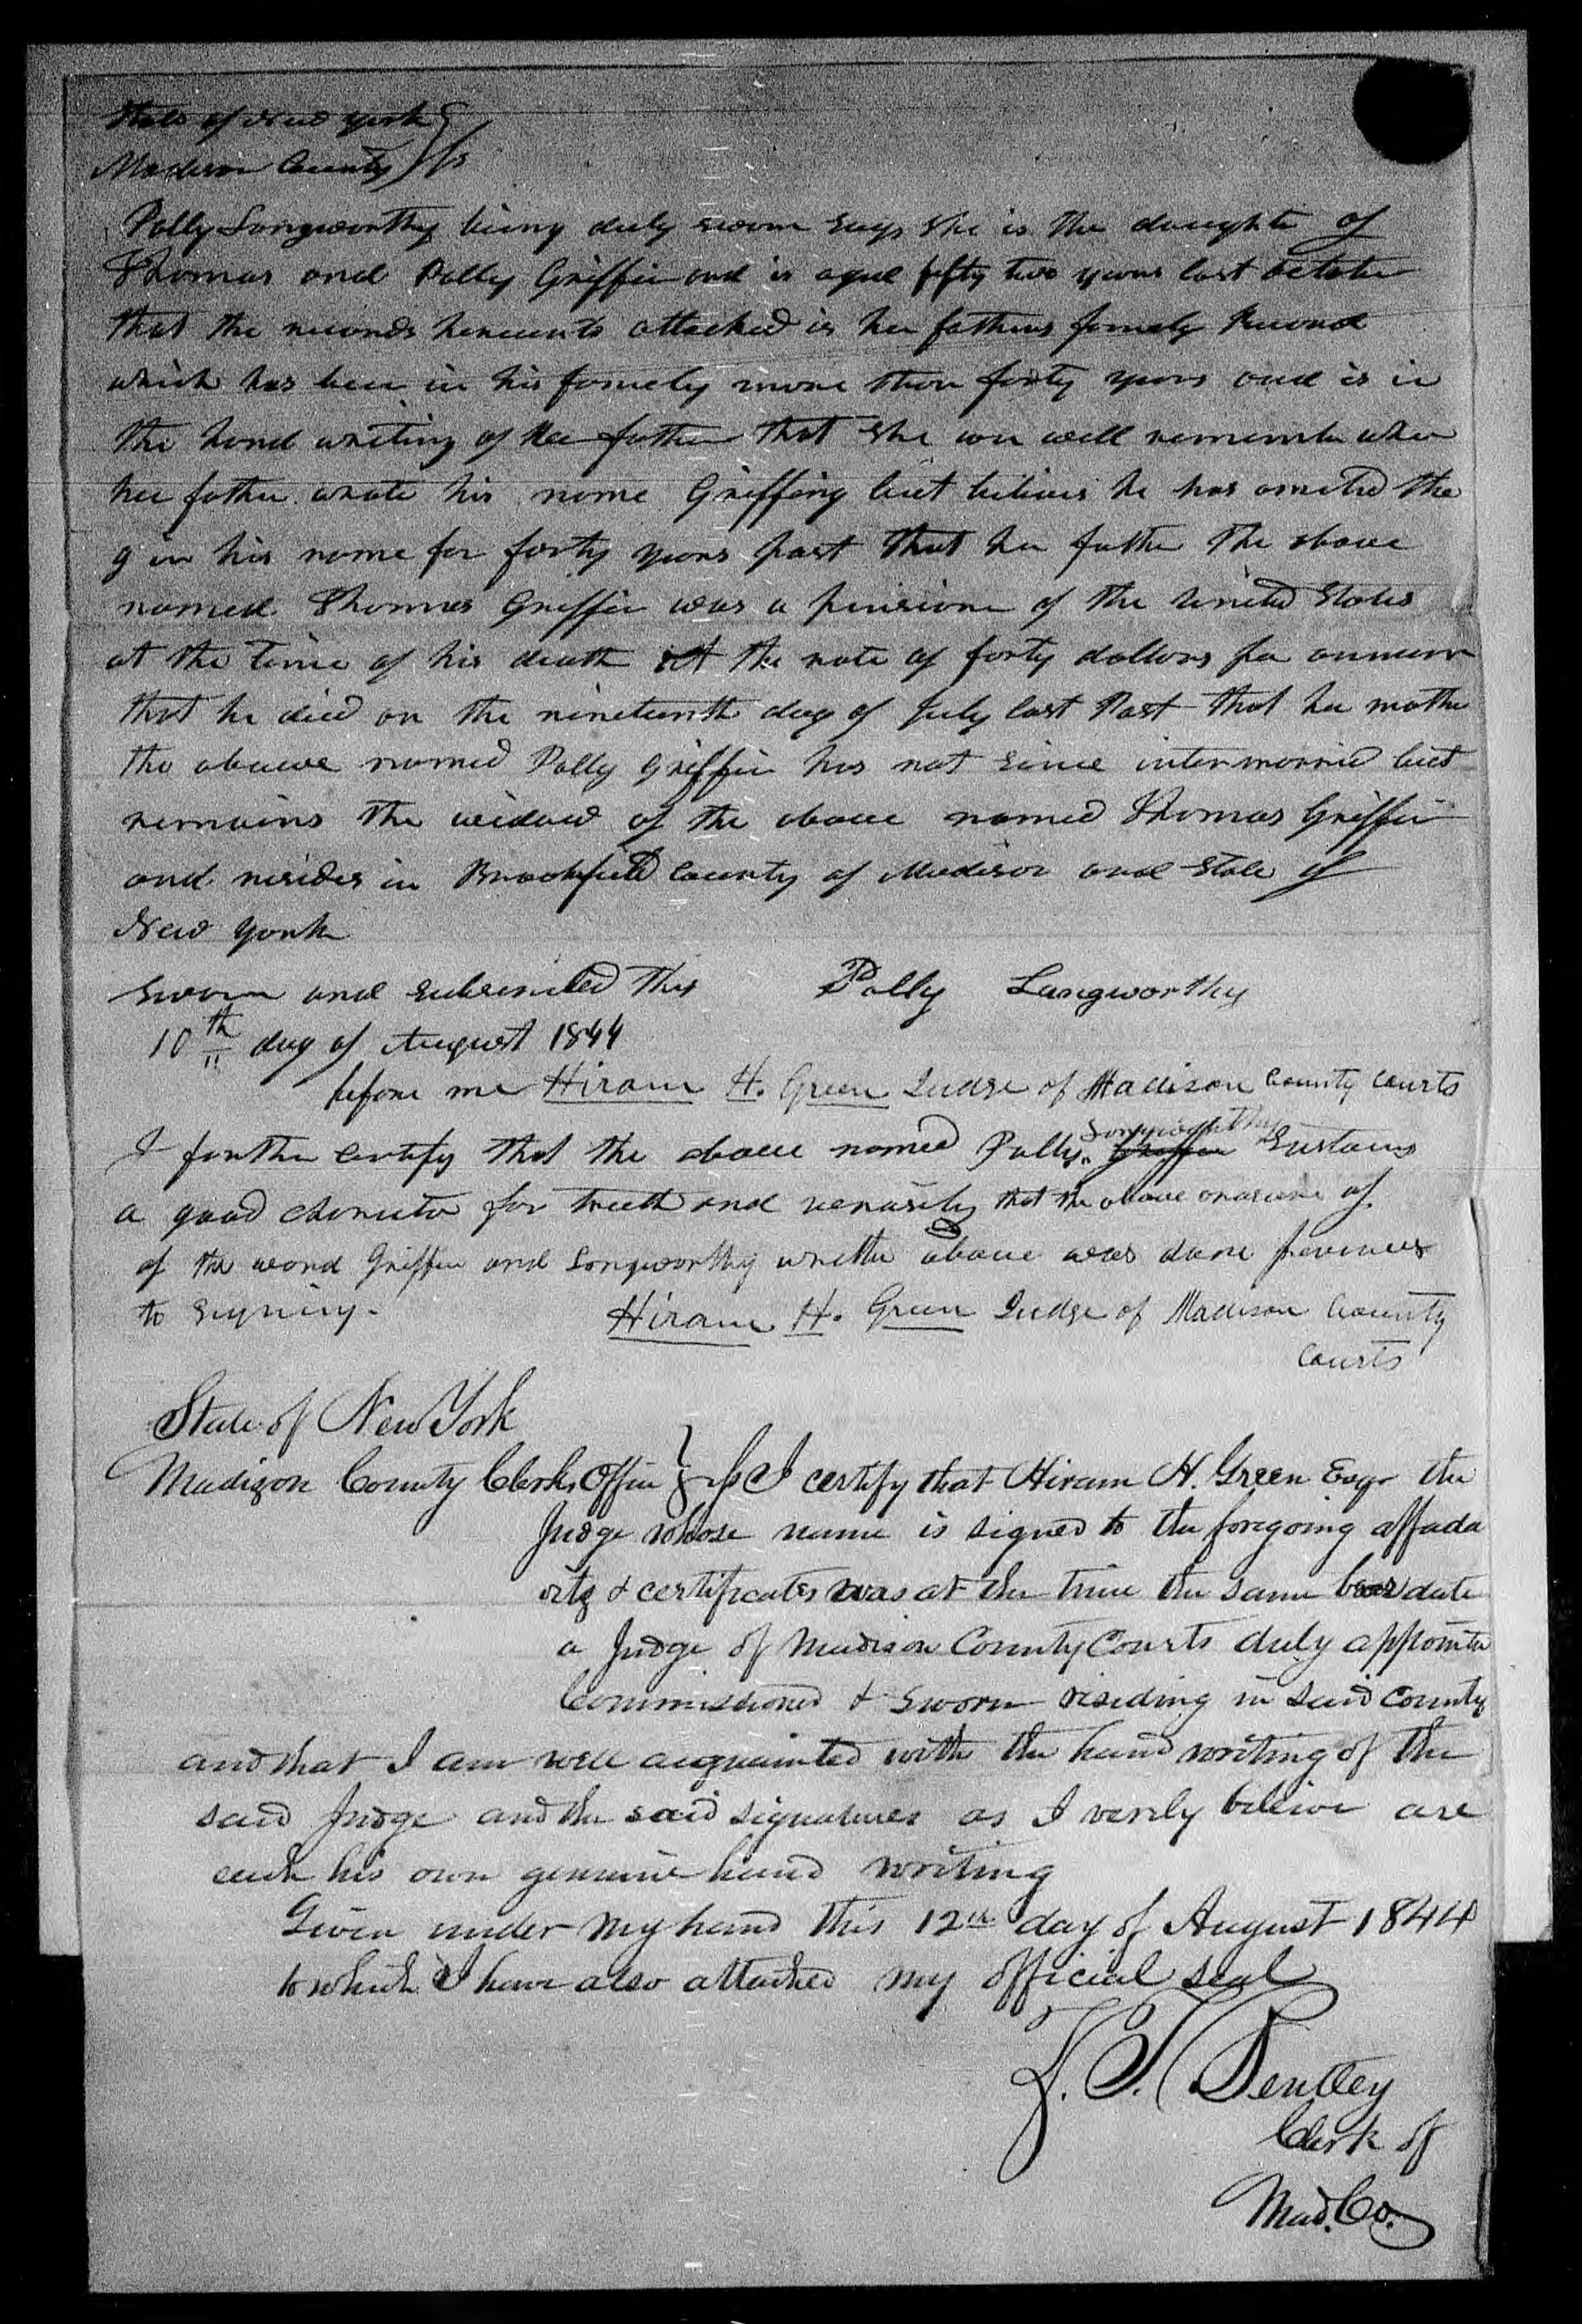State of New York Madison County ss
Polly Longworthy being duly sworn says she is the daughter of Thomas and Polly Griffin and is aged fifty two years last October, that the records hereunto attached is her fathers family Record which has been in his family more than forty years, and is in the hand writing of her father, that she can well remember when her father wrote his name Griffing, but believes he has omited [omitted] the ‘g’ in his name for forty years past, that her father the above named Thomas Griffin was a pensioner of the United States at the time of his death, at the rate of forty dollars per annum, that he died on the nineteenth day of July last past, that her mother the above named Polly Griffin has not since intermarried but remains the widow of the above named Thomas Griffin, and resides in Brookfield County of Madison and State of New York
[signed] Polly Longworthy
Sworn and subscribed this 10th day of August 1844 before me Hiram H. Green Judge of Madison County Courts
I further certify that the above named Polly Griffin Longworthy sustains a good character for truth and veracity, that the above example of of the word Griffin and Longworthy written above was done previous to signing.
Hiram H. Green Judge of Madison County Courts
State of New York Madison County Clerks Office ss
I certify that Hiram H. Green Esqr the Judge whose name is signed to the foregoing affidavit & certificates was at the time the same [illegible] date a Judge of Madison County Courts duly appointed, Commissioned & sworn residing in said County and that I am well acquainted with the hand writing of the said Judge, and the said signatures as I verily believe are such his own genuine hand writing
Given under my hand this 12th day of August 1844 to which I have also attached my official seal Z. T. Bentley Clerk of Mad. Co.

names: Polly Longworthy, Griffing, Polly Langworthy, Hiram H Green, Polly Griffin, Thomas Griffin, Hiram H Green, Thomas Griffin, Polly Longworthy, Z T Bentley, Polly Griffin, Hiram H Green, Thomas Griffin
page: 11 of 60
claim: widow's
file: W. 19,537, Thomas Griffin, Conn.